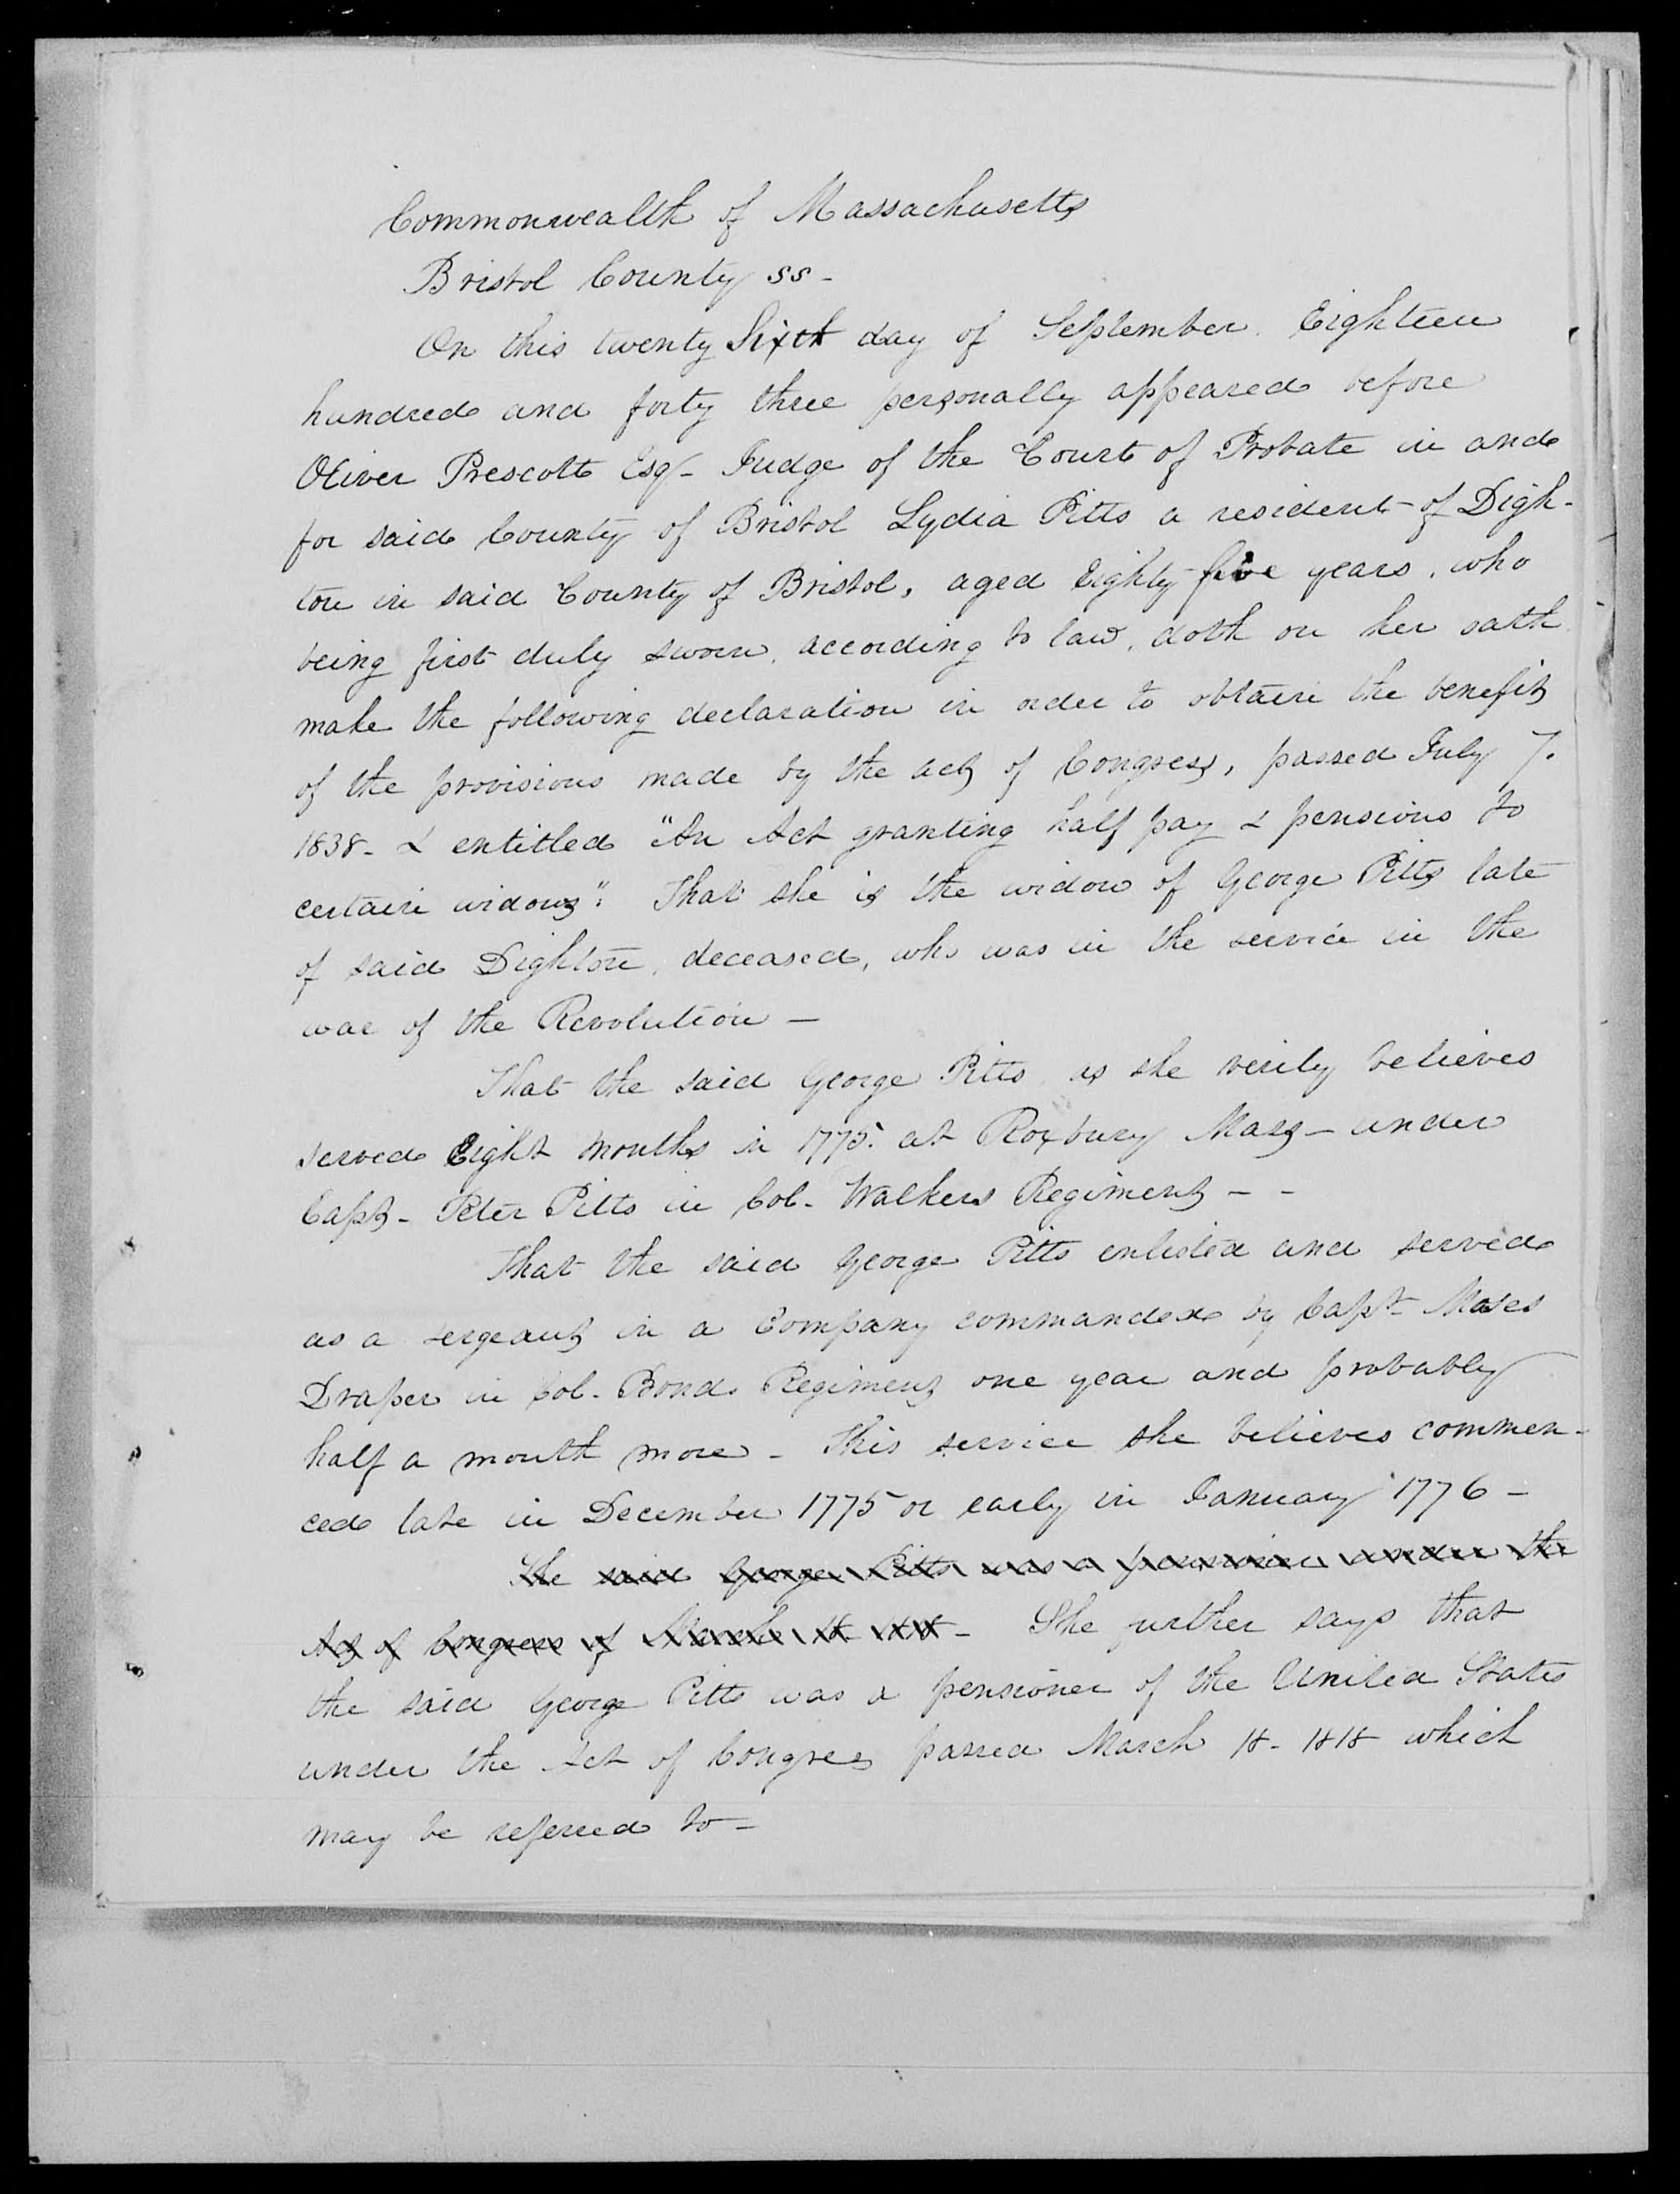Commonwealth of Massachusetts
Bristol County

On this twenty sixth day of September Eighteen
hundred and forty three personally appeared before
Oliver Prescott Esq. Judge of the Court of Probate in and
for said County of Bristol Lydia Pitts a resident of Dighton
in said County of Bristol, aged Eighty-five years, who
being first duly sworn according to law, doth on her oath
made the following declaration in order to obtain the benefit
of the provisions made by the Act of Congress, passed July 7,
1838.  & entitled "An Act granting half pay & pensions to
certain widows: That she is the widow of George Pitts late
of said Dighton, deceased, who was in the service in the 
war of the Revolution--
     That the said George Pitts as she verily believes
served eight months in 1775 at Roxbury, Mass--under
Capt. Peter Pitts in Col. Walker's Regiment--
     That the said George Pitts enlisted and served
as a Sergeant in a Company commanded by Moses
Draper in Col. Bonds  Regiment one year and probably
half a month more. There service she believes commenced
late in December 1775 or early in January 1776.
          She further says that
the said George Pitts was a pensioner of the United States
under the Act of Congress passed March 18, 1818 which may be referred to.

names: Moses Draper; Lydia Pitts; Oliver Prescott; George Pitts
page: 11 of 54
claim: widow's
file: W. 26,897, for George Pitts, Massachusetts